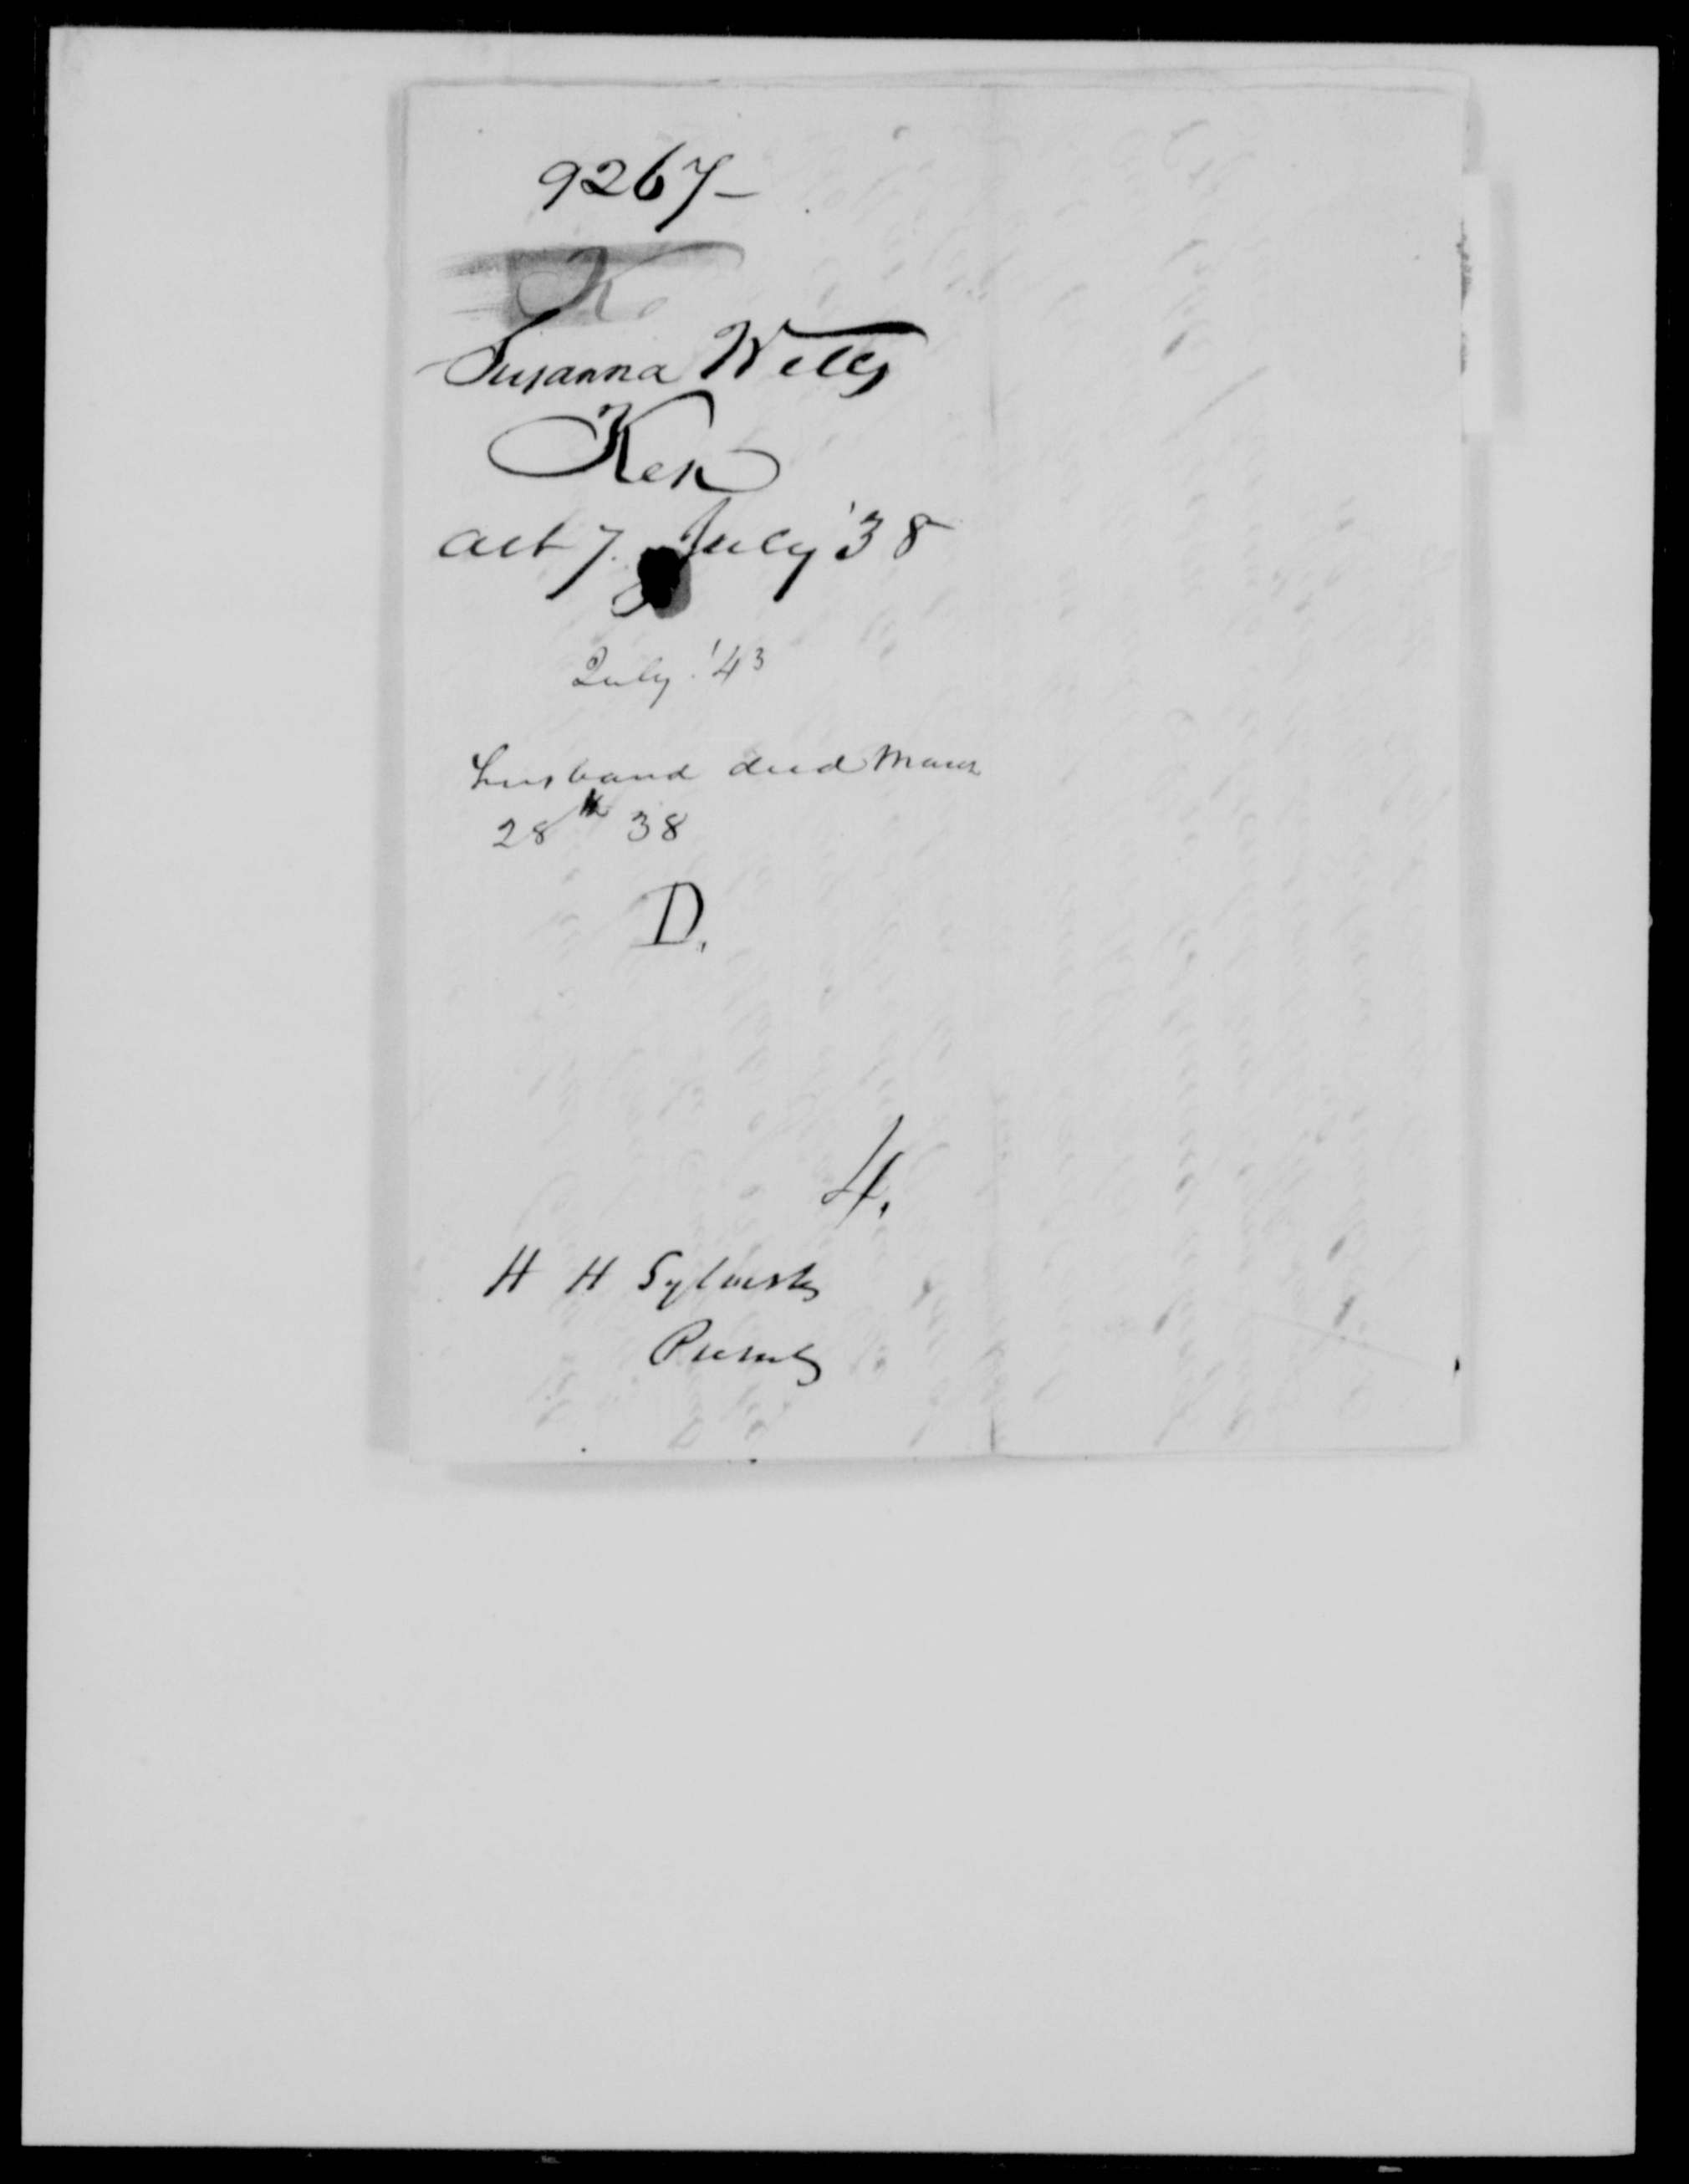9267-
Susanna Wells
Ken
Act 7 July 38
July 43
husband died Mar
28th 38
D
4
H H Sylvester
Present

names: H H Sylvester, Susanna Wells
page: 77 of 100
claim: widow's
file: W. 6437, Richard Wells, Ga Va.